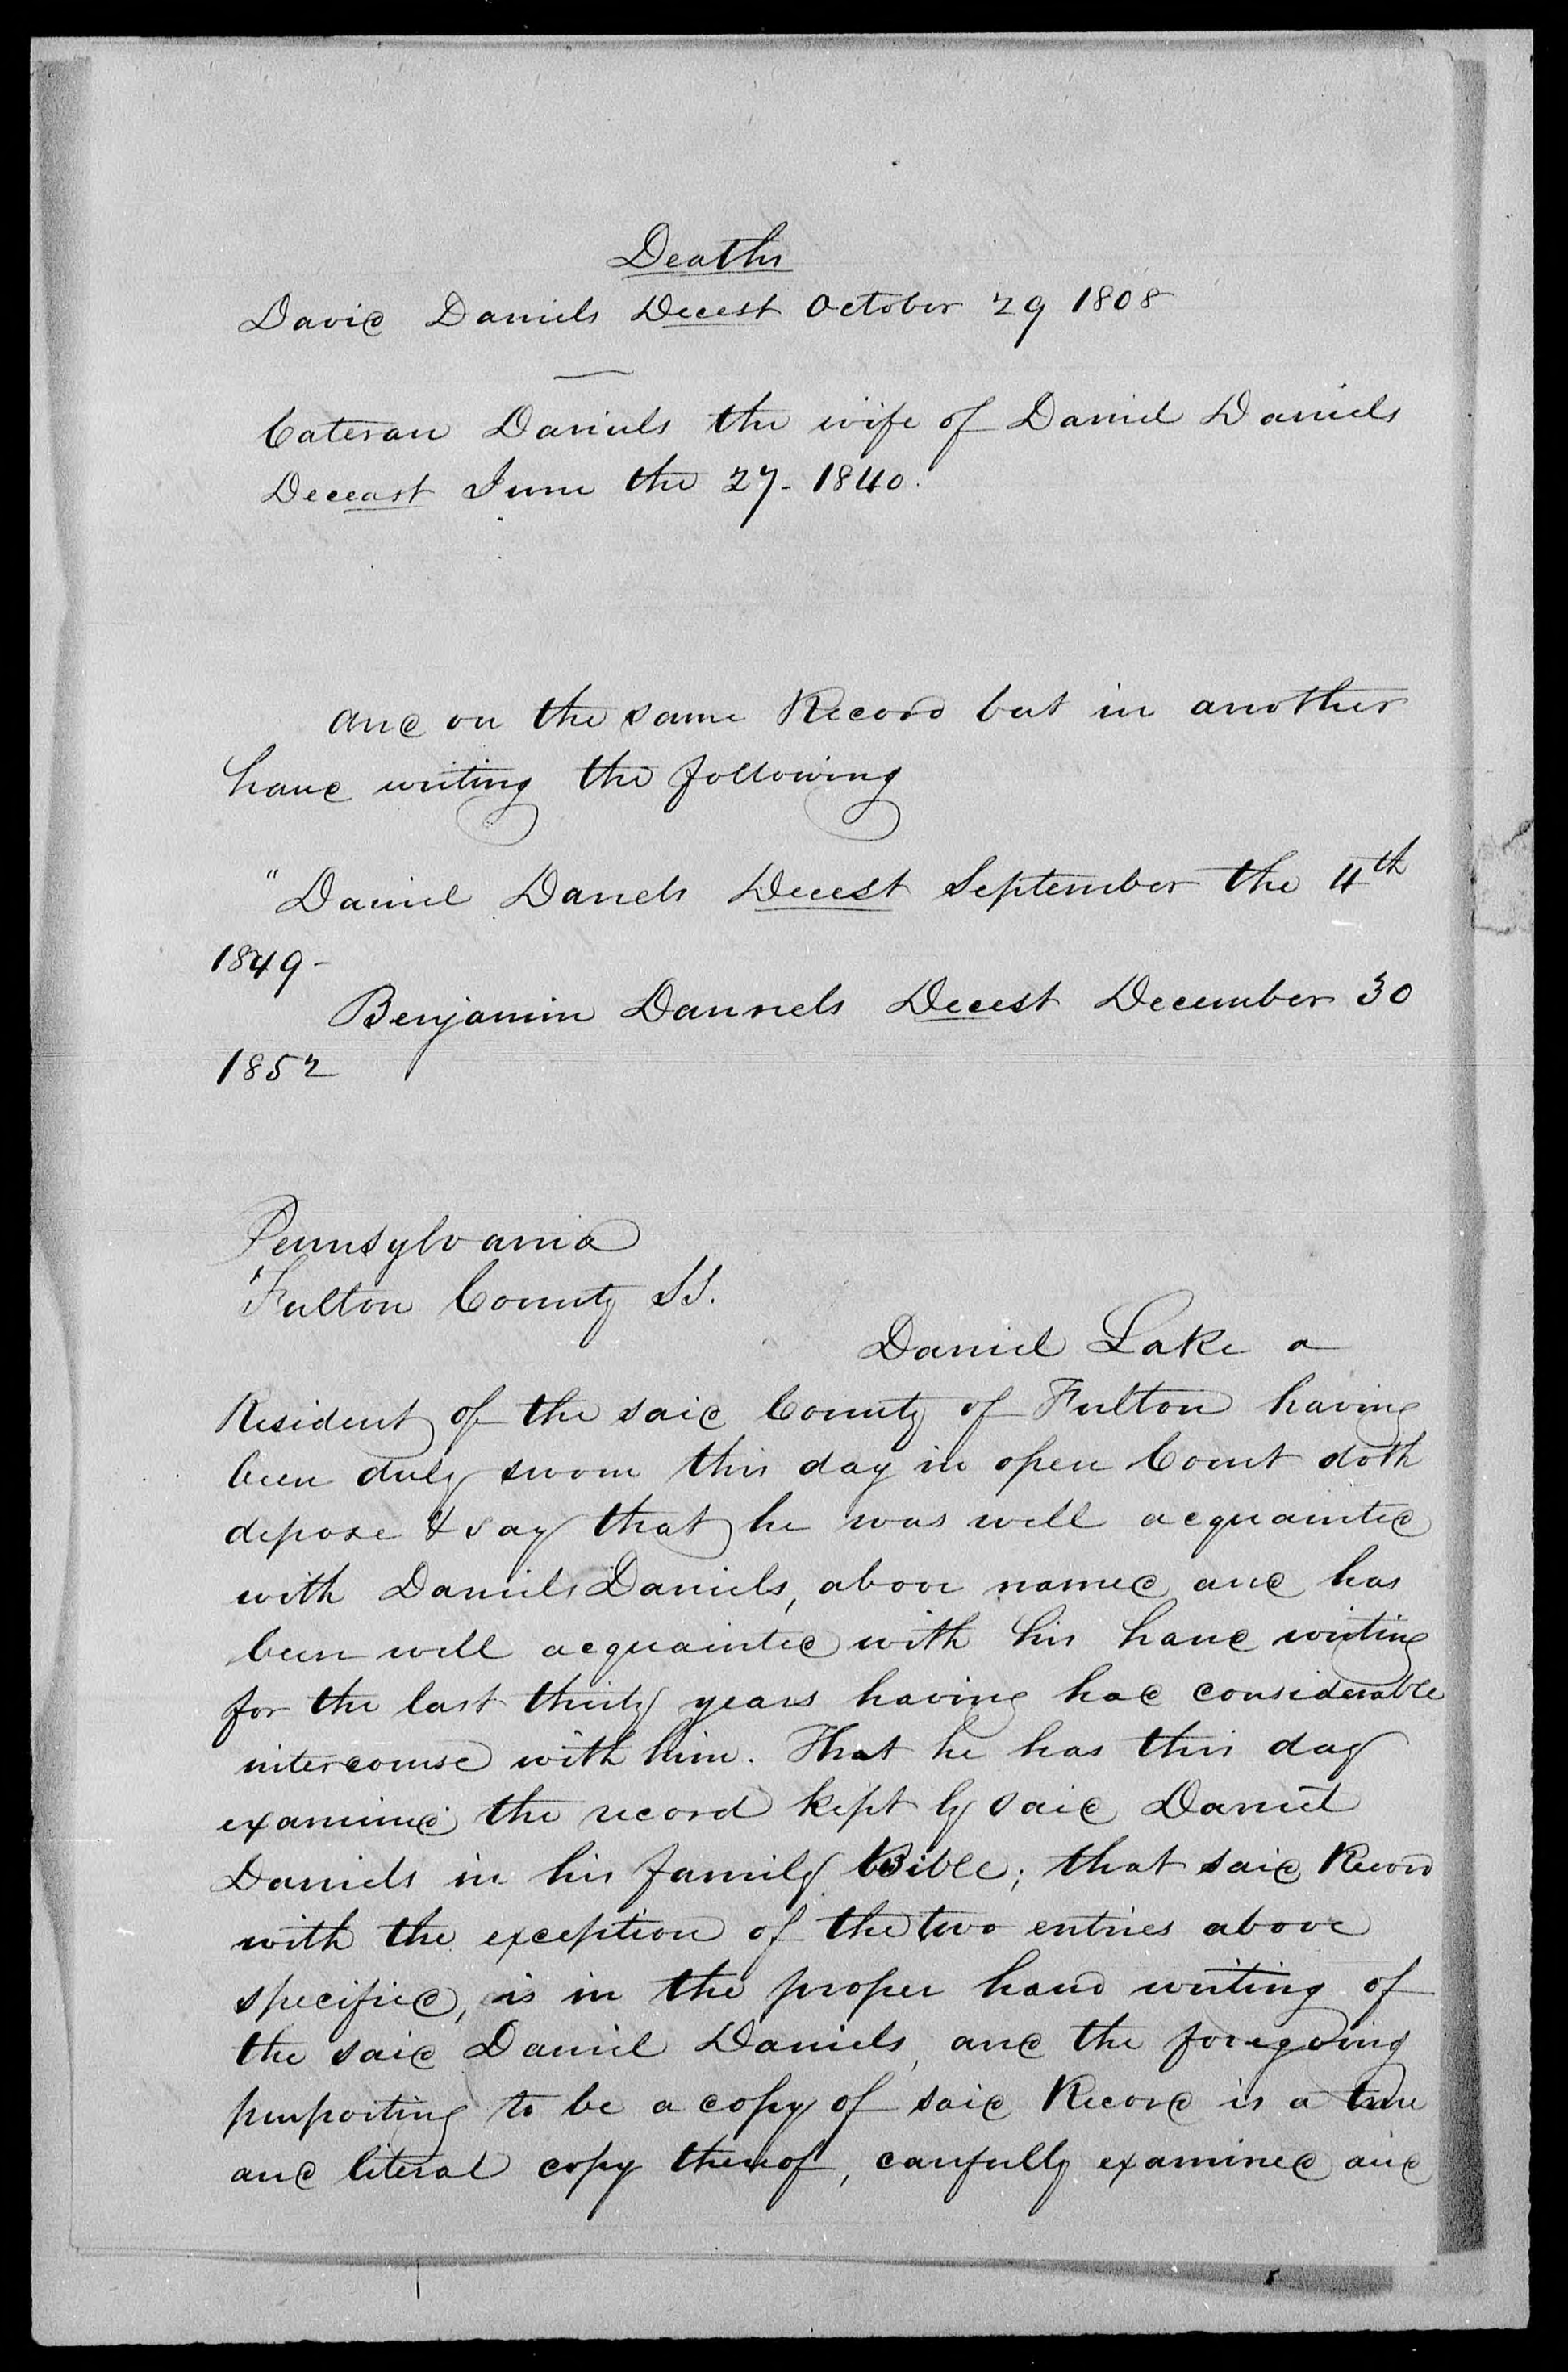Deaths
David Daniels Decest October 29 1808

Cateran Daniels the wife of Daniel Daniels
Deceast June the 27. 1840.

and on the same Record but in another
hand writing the following
of
Daniel Danels [Daniels] Decest September the 4th
1849.

Benjamin Dannels [Daniels] Decest December 30
1852

Pennsylvania
Fulton County SS.
David Lake a
Resident of the said County of Fulton having been
duly sworn this day in open Court doth
depose & say that he was well acquainted with
Daniel Daniels, above named and has
been well acquainted with his hand writing
for the last thirty years having had considerable
intercourse with him. That he has this day
examined the record kept by said Daniel
Daniels in his family Bible; that said Record
with the exception of the two entries above
specified, is in the proper hand writing of
the said Daniel Daniels, and the foregoing
purporting to be a copy of said Record is a true
and literal copy thereof, carefully examined and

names: Benjamin Dannels, Daniel Daniels, Cateran Daniels, Daniel Daniels, David Daniels, Daniel Danels, Daniels, Daniels, Daniel Daniels, Daniel Lake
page: 8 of 35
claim: rejected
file: R. 2,650, Daniel Daniels, Penn.